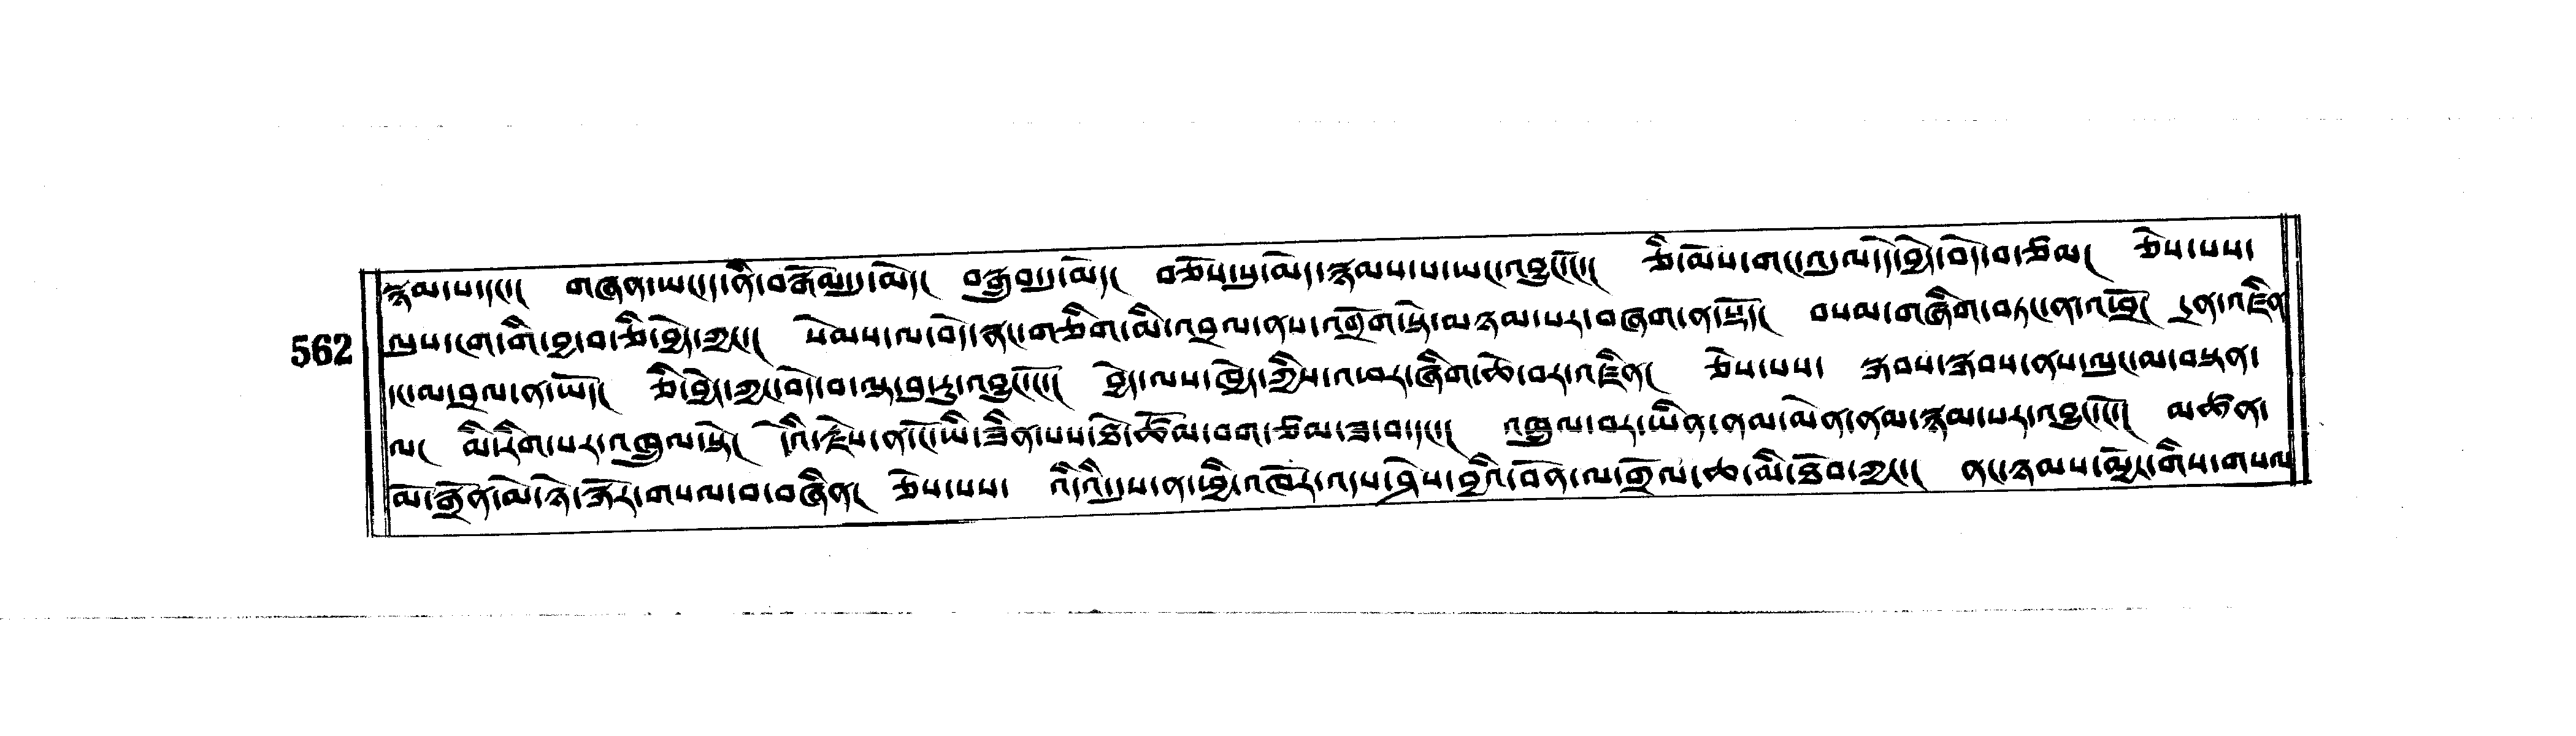སྙམ་པ་དང་། གཞན་ཡང་ད་ནི་སྒོམ་དུ་མེད། བསྒྲུབ་ཏུ་མེད། བཅོས་སུ་མེད་སྙམ་པའང་འབྱུང་ངོ་། ཅི་མོས་གང་འདུལ་དེ་བྱེད་བདེ་བ་ཙམ། ཅེས་པས། 
ལུས་ངག་གི་བྱ་བ་ཅི་བྱེད་ཀྱང་། སེམས་ལ་བདེ་སྣང་གཅིག་མི་འབྲལ་ནས་འགྲོགས་ཏེ་མཉམ་པར་བཞག་ན་སྡོད། བསམ་གཞིག་བཏང་ན་འཕྲོ། དྲན་འཛིན་
དང་མ་བྲལ་ན་ཡོད། ཅི་བྱེད་ཀྱང་བདེ་བ་ལྟ་བུ་རུ་འབྱུང་ངོ་། བྱེད་ལས་ཁྱེད་ཀྱིས་འཕར་ཞིག་ཆེ་བར་འཛིན། ཅེས་པས། སྐབས་སྐབས་ནས་ལུང་མ་བསྟན་
ལ། མི་རིག་པར་འཁྲུལ་ཏེ། དེའི་རྗེས་ན་ངོ་ཡིས་ཟིན་པས་ཐེ་ཚོམ་བག་ཙམ་ཟ་བ་དང་། འཁྲུལ་བ་ཡིན་ནམ་མིན་ནམ་སྙམ་པ་འབྱུང་ངོ་། མཚན་
མོ་སྒྲོན་མེ་ཉེ་སྐོར་གསལ་བ་བཞིན། ཅེས་པས། འདིའི་དུས་ན་ཕྱི་འཁོར་འདས་ཤེས་བྱའི་བོན་ལ་གྲོལ་ཆ་མི་ཐོབ་ཀྱང་། ནང་ཉམས་མྱོང་གི་གསལ་